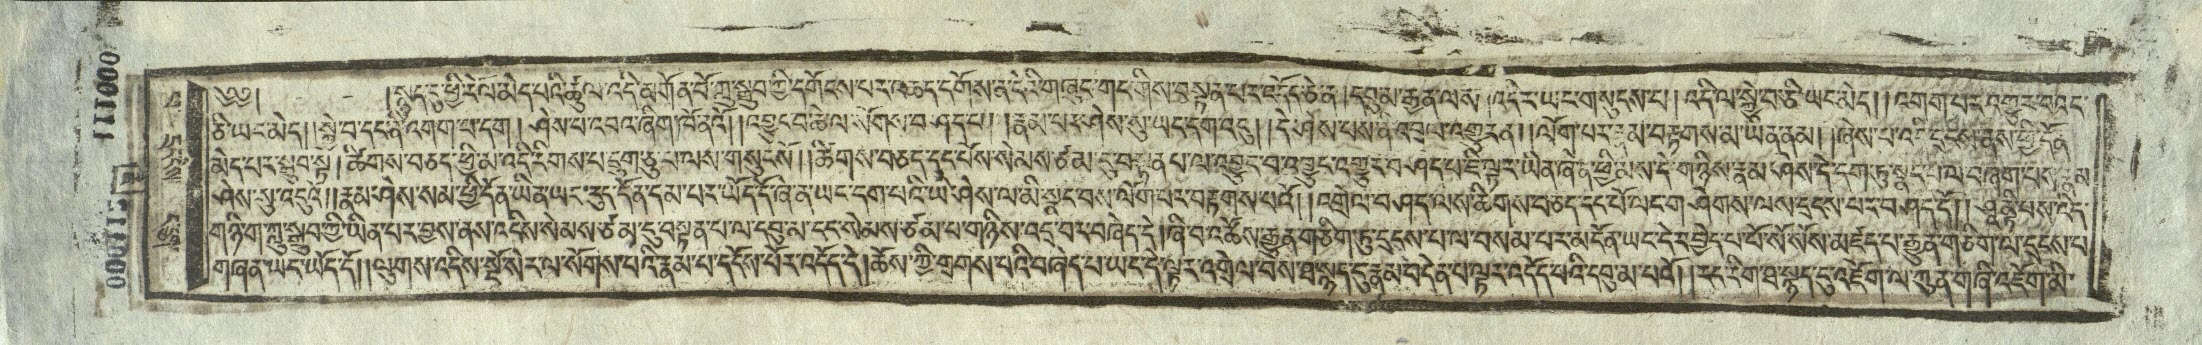༄༅། །སྙད་དུ་ཕྱི་རོལ་མེད་པའི་ཚུལ་འདི་མགོན་པོ་ཀླུ་སྒྲུབ་ཀྱི་དགོངས་པར་འཆད་དགོས་ན་དེའི་གཞུང་གང་གིས་བསྟན་པར་འདོད་ཅེ་ན། དབུ་མ་རྒྱན་ལས། འདིར་ཡང་གསུངས་པ། འདི་ལ་སྐྱེ་བ་ཅི་ཡང་མེད། །འགག་བར་འགྱུར་བའང་
ཅི་ཡང་མེད། །སྐྱེ་བ་དང་ནི་འགག་པ་དག །ཤེས་པ་འབའ་ཞིག་ཁོ་ནའོ། །འབྱུང་བ་ཆེ་ལ་སོགས་བཤད་པ། །རྣམ་པར་ཤེས་སུ་ཡང་དག་འདུ། །དེ་ཤེས་པས་ནི་འབྲལ་འགྱུར་ན། །ལོག་པར་རྣམ་བརྟགས་མ་ཡིན་ནམ། །ཞེས་པ་འདི་དྲངས་ནས་ཕྱི་དོན་
མེད་པར་སྒྲུབ་སྟེ། ཚིགས་བཅད་ཕྱི་མ་འདི་རིགས་པ་དྲུག་ཅུ་པ་ལས་གསུངས་སོ། །ཚིགས་བཅད་དང་པོས་སེམས་ཙམ་དུ་བསྟན་པ་ལ་འབྱུང་བ་འབྱུང་འགྱུར་བཤད་པ་ཇི་ལྟར་ཡིན་ཞེ་ན་ཕྱི་མས་དེ་གཉིས་རྣམ་ཤེས་དེ་དག་ཏུ་སྣང་བ་ལ་བཞག་པས་རྣམ་
ཤེས་སུ་འདུའོ། །རྣམ་ཤེས་སམ་ཕྱི་དོན་ཡིན་ཡང་རུང་དོན་དམ་པར་ཡོད་དོ་ཞེ་ན་ཡང་དག་པའི་ཡེ་ཤེས་ལ་མི་སྣང་བས་ལོག་པར་བརྟགས་པའོ། །འགྲེལ་བཤད་ལས་ཚིགས་བཅད་དང་པོ་ལང་གཤེགས་ལས་དྲངས་པར་བཤད་དོ། །ཤཱནྟི་པས་འདི་
གཉི་ག་ཀླུ་སྒྲུབ་ཀྱི་ཡིན་པར་བྱས་ནས་འདིས་སེམས་ཙམ་དུ་བསྟན་པ་ལ་དབུ་མ་དང་སེམས་ཙམ་པ་གཉིས་འདྲ་བར་བཞེད་དེ། ཞི་བ་འཚོས་རྒྱུན་གཅིག་ཏུ་དྲངས་པ་ལ་བསམ་པར་མངོན་ཡང་དེར་བྱེད་པ་པོ་སོ་སོས་མཛད་པ་རྒྱུན་གཅིག་ལ་དྲངས་པ་
གཞན་ཡང་ཡོད་དོ། །ལུགས་འདིས་སྔོ་སེར་ལ་སོགས་པའི་རྣམ་པ་དངོས་པོར་འདོད་དེ། ཆོས་ཀྱི་གྲགས་པའི་བཞེད་པ་ཡང་དེ་ལྟར་འགྲེལ་བས་ཐ་སྙད་དུ་རྣམ་བདེན་པ་ལྟར་འདོད་པའི་དབུ་མ་པའོ། །རང་རིག་ཐ་སྙད་དུ་འཇོག་ལ་ཀུན་གཞི་འཇོག་མི་